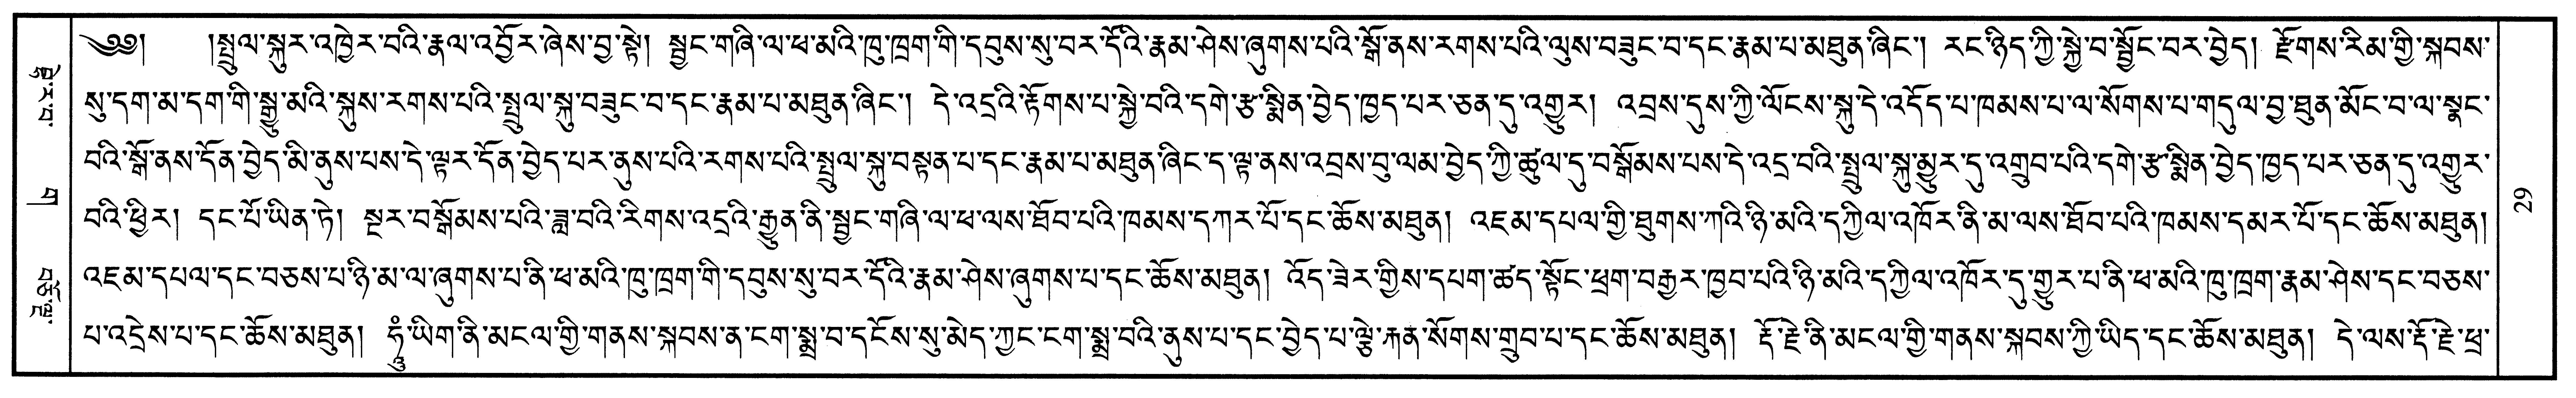༄༅། །སྤྲུལ་སྐུར་འཁྱེར་བའི་རྣལ་འབྱོར་ཞེས་བྱ་སྟེ། སྦྱང་གཞི་ལ་ཕ་མའི་ཁུ་ཁྲག་གི་དབུས་སུ་བར་དོའི་རྣམ་ཤེས་ཞུགས་པའི་སྒོ་ནས་རགས་པའི་ལུས་བཟུང་བ་དང་རྣམ་པ་མཐུན་ཞིང་། རང་ཉིད་ཀྱི་སྐྱེ་བ་སྦྱོང་བར་བྱེད། རྫོགས་རིམ་གྱི་སྐབས་
སུ་དག་མ་དག་གི་སྒྱུ་མའི་སྐུས་རགས་པའི་སྤྲུལ་སྐུ་བཟུང་བ་དང་རྣམ་པ་མཐུན་ཞིང་། དེ་འདྲའི་རྟོགས་པ་སྐྱེ་བའི་དགེ་རྩ་སྨིན་བྱེད་ཁྱད་པར་ཅན་དུ་འགྱུར། འབྲས་དུས་ཀྱི་ལོངས་སྐུ་དེ་འདོད་པ་ཁམས་པ་ལ་སོགས་པ་གདུལ་བྱ་ཐུན་མོང་བ་ལ་སྣང་
བའི་སྒོ་ནས་དོན་བྱེད་མི་ནུས་པས་དེ་ལྟར་དོན་བྱེད་པར་ནུས་པའི་རགས་པའི་སྤྲུལ་སྐུ་བསྟན་པ་དང་རྣམ་པ་མཐུན་ཞིང་ད་ལྟ་ནས་འབྲས་བུ་ལམ་བྱེད་ཀྱི་ཚུལ་དུ་བསྒོམས་པས་དེ་འདྲ་བའི་སྤྲུལ་སྐུ་མྱུར་དུ་འགྲུབ་པའི་དགེ་རྩ་སྨིན་བྱེད་ཁྱད་པར་ཅན་དུ་འགྱུར་
བའི་ཕྱིར། དང་པོ་ཡིན་ཏེ། སྔར་བསྒོམས་པའི་ཟླ་བའི་རིགས་འདྲའི་རྒྱུན་ནི་སྦྱང་གཞི་ལ་ཕ་ལས་ཐོབ་པའི་ཁམས་དཀར་པོ་དང་ཆོས་མཐུན། འཇམ་དཔལ་གྱི་ཐུགས་ཀའི་ཉི་མའི་དཀྱིལ་འཁོར་ནི་མ་ལས་ཐོབ་པའི་ཁམས་དམར་པོ་དང་ཆོས་མཐུན།
འཇམ་དཔལ་དང་བཅས་པ་ཉི་མ་ལ་ཞུགས་པ་ནི་ཕ་མའི་ཁུ་ཁྲག་གི་དབུས་སུ་བར་དོའི་རྣམ་ཤེས་ཞུགས་པ་དང་ཆོས་མཐུན། འོད་ཟེར་གྱིས་དཔག་ཚད་སྟོང་ཕྲག་བརྒྱར་ཁྱབ་པའི་ཉི་མའི་དཀྱིལ་འཁོར་དུ་གྱུར་པ་ནི་ཕ་མའི་ཁུ་ཁྲག་རྣམ་ཤེས་དང་བཅས་
པ་འདྲེས་པ་དང་ཆོས་མཐུན། ཧཱུཾ་ཡིག་ནི་མངལ་གྱི་གནས་སྐབས་ན་ངག་སྨྲ་བ་དངོས་སུ་མེད་ཀྱང་ངག་སྨྲ་བའི་ནུས་པ་དང་བྱེད་པ་ལྕེ་རྐན་སོགས་གྲུབ་པ་དང་ཆོས་མཐུན། རྡོ་རྗེ་ནི་མངལ་གྱི་གནས་སྐབས་ཀྱི་ཡིད་དང་ཆོས་མཐུན། དེ་ལས་རྡོ་རྗེ་ཕྲ་